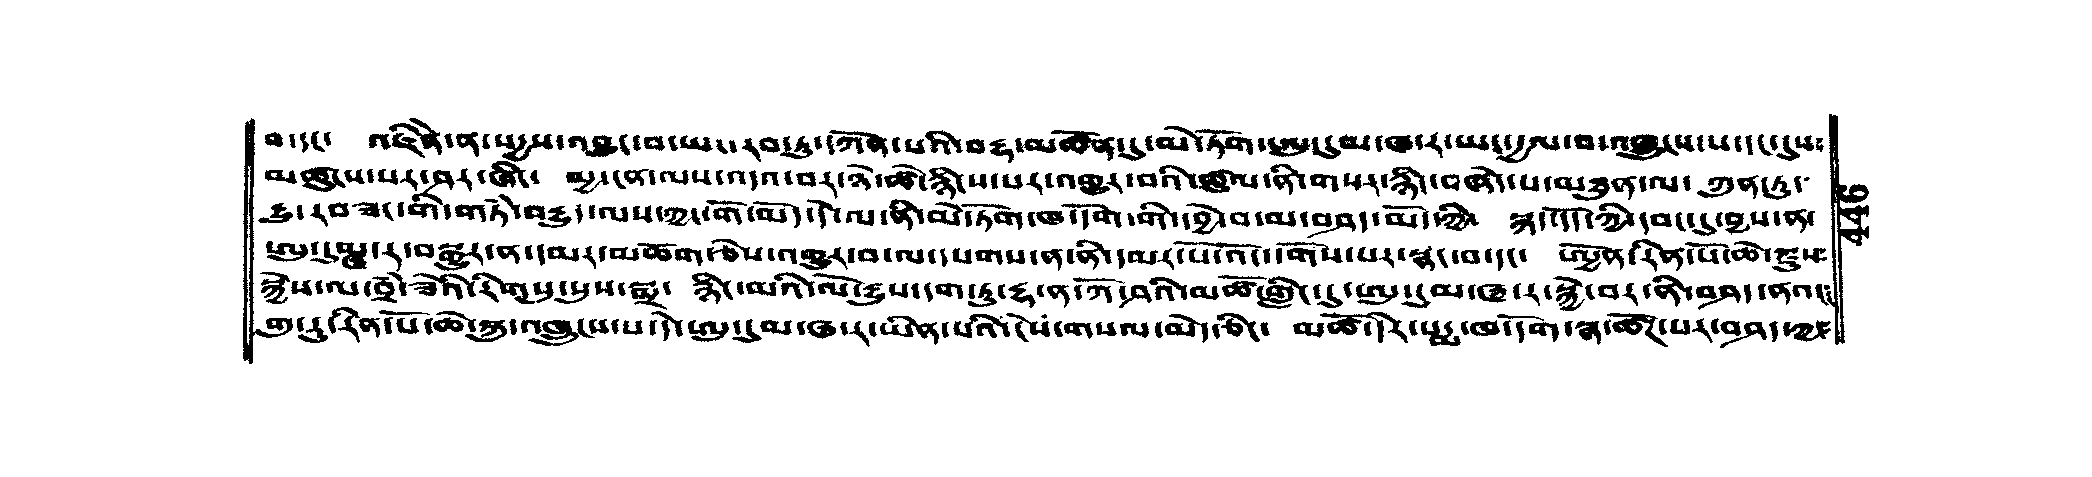བ་དང་། འཇིག་རྟེན་ན་སངས་རྒྱས་འབྱུང་བ་ཡང་རབ་ཏུ་དཀོན་པའི་བརྡ་མཚོན་དུ་མེ་ཏོག་ཨུ་དུམ་ཝ་ར་ཡང་རྒྱལ་བ་འཁྲུངས་པ་དང་དུས་
མཚུངས་པར་ཤར་ཞིང་། མྱ་ངན་ལས་འདས་བར་ཉེ་ཚེ་རྙིངས་པར་འགྱུར་བའི་ཚུལ་ནི་གསར་རྙིང་བཞེད་པ་མཐུན་ལ། ཀུན་ཏུ་
རྒྱུ་རབ་བཟང་གི་གཏམ་བརྒྱུད་ལས་ཀྱང་གོ་མོད་དེ་ལ་ནི་མེ་ཏོག་ཁ་དོག་གི་དབྱེ་བ་མ་བཤད་མོད་ཀྱི། སྐད་དོད་ཀྱི་དབང་དུ་བྱས་ན་
ཨུ་དུམ་ཝ་ར་བསྒྱུར་ན་དམར་མཆོག་ཅེས་འགྱུར་བ་ལ་དཔགས་ན་ནི་དམར་པོ་འོང་དགོས་པར་སྣང་བ་དང་། ཨོ་རྒྱན་རིན་པོ་ཆེ་རྫུས་
སྐྱེས་ལ་བྲམ་ཟེའི་རིགས་སུ་སུས་སྨྲ། རྙིང་མའི་ལོ་རྒྱུས་དག་ཏུ་དྷ་ན་ཀོ་ཤའི་མཚོ་གླིང་དུ་ཨུ་དུམ་ཝ་ར་སྐྱེ་བར་ནི་བཤད་ནའང་། 
གུ་རུ་རིན་པོ་ཆེ་སྐུ་འཁྲུངས་ས་དེ་ཨུ་དུམ་ཝ་ར་ཡིན་པའི་ངེས་གསལ་མེད་ཅིང་། མཚོ་དེར་པདྨ་ཁ་དོག་སྣ་ཚོགས་པར་བཤད་ཀྱང་།